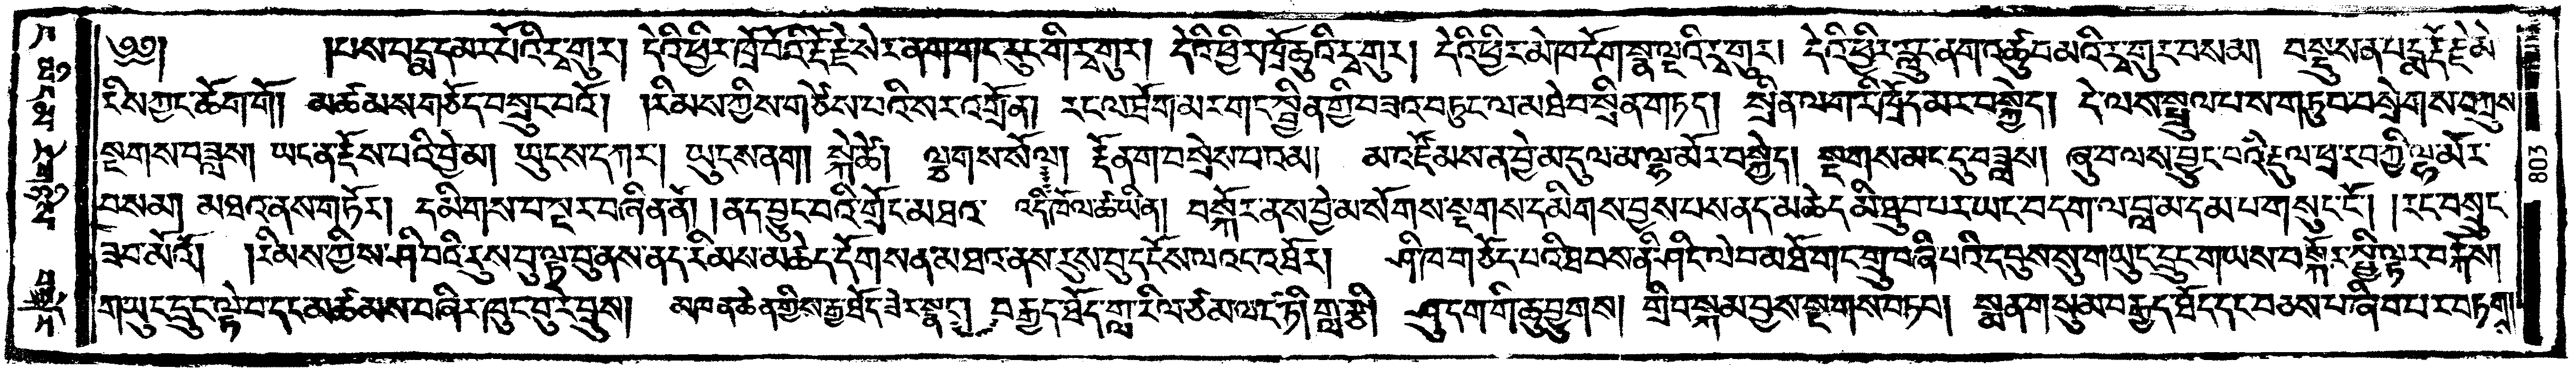༄༅། །པས་པདམ་དམར་པོའི་རྭ་གུར། དེའི་ཕྱིར་ཁྲོ་བོའི་རྡོ་རྗེ་སེར་ནག་གང་རུང་གི་རྭ་གུར། དེའི་ཕྱིར་ཁྲོ་ཆུའི་རྭ་གུར། དེའི་ཕྱིར་མེ་ཁ་དོག་སྣ་ལྔའི་རྭ་གུར། དེའི་ཕྱིར་རླུང་ནག་འཚུབ་མའི་རྭ་གུར་བསམ། བསྡུས་ན་པདམ་རྡོ་རྗེ་མེ་
རིས་ཀྱང་ཆོག་གོ། མཚམས་གཅོད་བསྲུང་བའོ། །རིམས་ཀྱིས་གཙེས་པའི་སར་འགྲོ་ན། རང་ལ་ཐོག་མར་གང་སྦྱིན་གྱི་བཟའ་བཏུང་ལ་མཐེབ་སྲིན་གཏད། སྲིན་ལག་རི་ཁྲོད་མར་བསྐྱེད། དེ་ལས་སྤྲུལ་པས་གཏུབ་བསྲེགས་བཀྲུས་
སྔགས་བཟླས། ཡང་ན་རྡོས་པའི་བྱེ་མ། ཡུངས་དཀར། ཡུངས་ནག། སྐེ་ཚེ། ལྕགས་སོ་ལ། རྡོ་ནག་བསྲེས་པའམ། མ་འཛོམས་ན་བྱེ་མ་དུལ་མ་ལྷ་མོར་བསྐྱེད། སྔགས་མང་དུ་བཟླས། ཞུ་བ་ལས་བྱུང་བའི་རྡུལ་ཕྲ་རབ་ཀྱི་ལྷ་མོར་
བསམ། མཐའ་ནས་གཏོར། དམིགས་པ་སྔར་བཞིན་ནོ། །ནད་བྱུང་བའི་གྲོང་མཐའ་འདི་ཁོལ་ཚ་ཡིན། བསྐོར་ནས་བྱེ་མ་སོགས་སྔགས་དམིགས་བྱས་བས་ནད་མཆེད་མི་ཐུབ་པར་ཡང་བདག་ལ་བླ་མ་དམ་པ་གསུང་ངོ། །རང་བསྲུང་
ཟབ་མོའོ། །རིམས་ཀྱིས་ཤི་བའི་རུས་བུ་ལྟ་བུ་ནས་ནད་རིམས་མཆེད་དོགས་ན་མཐའ་ནས་རུས་བུ་དངོས་ལའང་འཐོར། ཤི་ཁ་གཅོད་པའི་ཐབས་ནི་ཤིང་ལེབ་མཐོ་གང་གྲུ་བཞི་པའི་དབུས་སུ་གཡུང་དྲུང་གཡས་བསྐོར་སྤྱི་ལྟར་བརྐོས།
གཡུང་དྲུང་ལྟེ་བ་དང་མཚམས་བཞིར་ཁུང་བུ་རེ་བྲུས། མཁན་ཆེན་གྱིས་རྒྱ་ཐོད་ཟེར་སྣང་། བརྒྱད་ཐོད་གླ་རིལ་ཙམ་ལ་ཛ་ཏི། གླ་རྩི། ཤུ་དག་གི་ཆུ་བྱུགས། གྲིབ་སྐམ་བྱས་སྔགས་བཏབ། སྨན་གསུམ་བརྒྱད་ཐོད་དང་བཅས་པ་ཞིབ་པར་བཏགས་